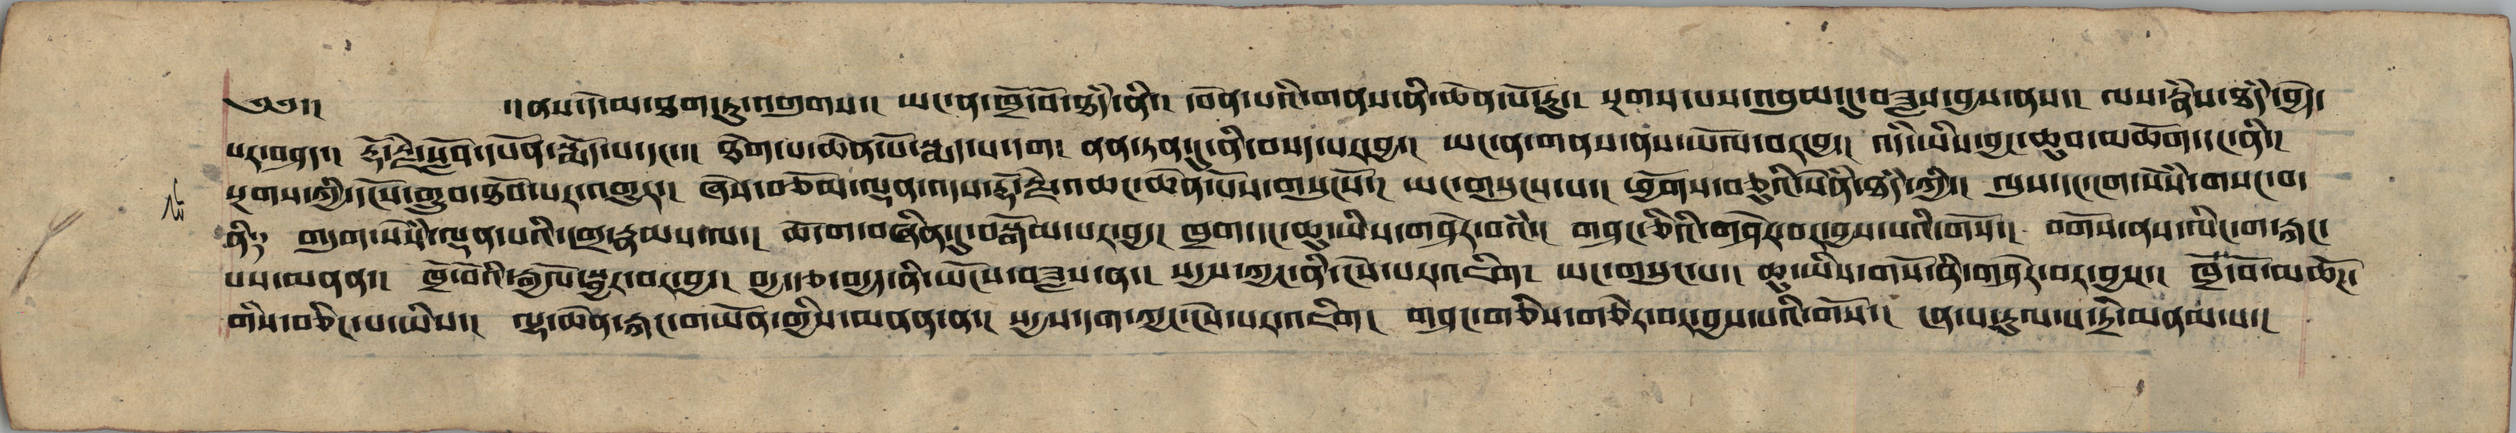༄༅་། ་།ནས་དེ་མ་ཐག་ཏུ་འགུགས་། ཡང་ན་ཁྲོ་བོ་ཐཾད་ནི་། དབེན་པའི་གནས་ནི་ཆེན་པོ་རུ་། སྔགས་པས་འབུམ་དུ་བཟླས་བྱས་ནས་། ལས་རྣཾས་ཐཾད་བྱེད་
པར་བཤད་། རྡོ་རྗེ་སློབ་དཔོན་སྨོད་པ་དང་་། ཐེག་པ་ཆེན་པོ་སྨད་པ་དག། ནན་ཏན་དུ་ནི་བསད་པར་བྱ་། ཡང་ན་གནས་ནས་ཡོལ་བར་བྱ་། འདི་ཡིས་བྱང་ཆུབ་མཆོག་དང་ནི་།
སྔགས་ཀྱི་དངོས་གྲུབ་ཐོབ་པར་འགྱུར་། ཞེས་བཅོམ་ལྡན་འདས་རྡོ་རྗེ་འཆང་ཆེན་པོས་གསུངསོ་། ཡང་གསུངས་པ་། ཕྱོགས་བཅུའི་སེཾན་ཐཾད་ཀྱི་། ལུས་དང་ངག་སེཾས་གསང་བ་
ནི༑ གདུག་སེཾས་ལྡན་པའི་དགྲ་རྣམས་ལ་། ཆོ་ག་བཞིན་དུ་བསྒོམ་པར་བྱ་། ཁྲག་དང་ཆུ་ཡིས་གཤེར་བའཾ་། གཤང་ཅིའི་གཤེར་བར་བྱས་པའི་གོས་། བགོས་ནས་ལིང་ག་རྐང་
པས་མནན་། ཁྲོ་བོའི་རྒྱལོ་སྦྱར་བར་བྱ་། བདྱ་རྩ་བདྱད་ནི་ཡོངས་བཟླས་ན་། སདྱས་ཀྱང་ནི་ངེས་པར་འཇིག། ཡང་གསུང་པ་། ཆུ་ཡིས་གསོ་ནི་གཤེར་བར་བྱས་། ཁྲོ་བོ་མཆོཌ་
གིས་བཅིང་པ་ཡིས་། ལྷ་ཆེན་རྐང་གཡོན་གྱིས་མནན་ན་། སདྱས་དག་ཀྱང་ངེས་པར་འཇིག། གཤང་གཅིས་གཅེར་བར་བྱས་པའི་གོས་། ངན་པ་རུལ་པ་དྲི་མནམ་པ་།